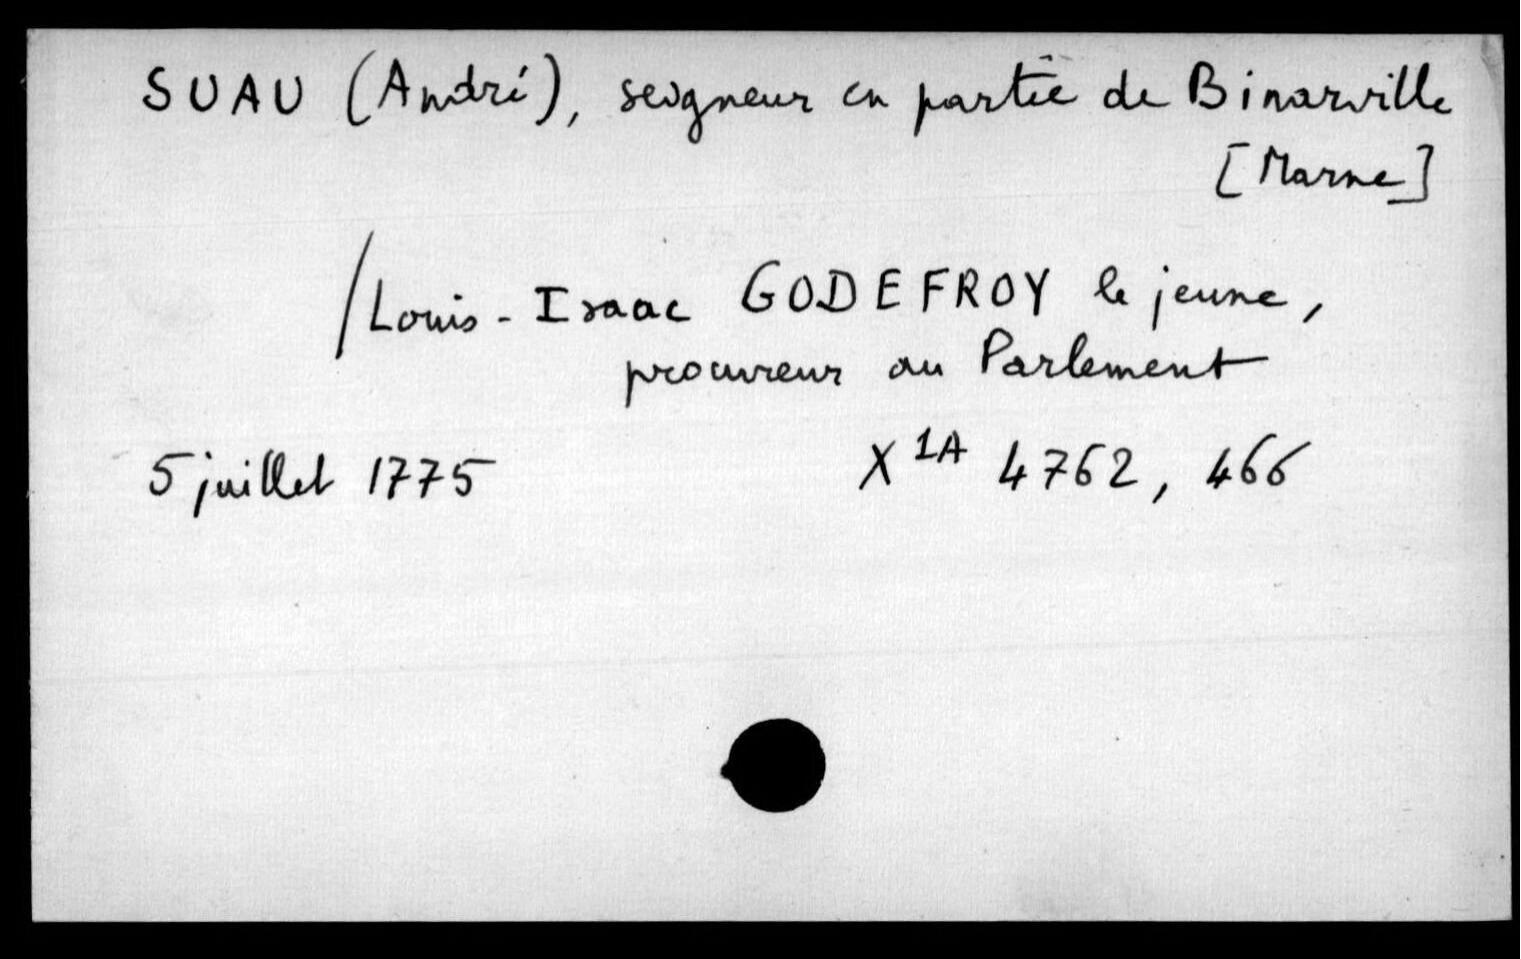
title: SUAU (ANDRÉ), seigneur en partie de Binarville [Marne]
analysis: Contre Louis-Isaac GODEFROY le jeune, procureur au Parlement
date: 5 juillet 1775
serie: X1A
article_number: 4762
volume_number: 466
